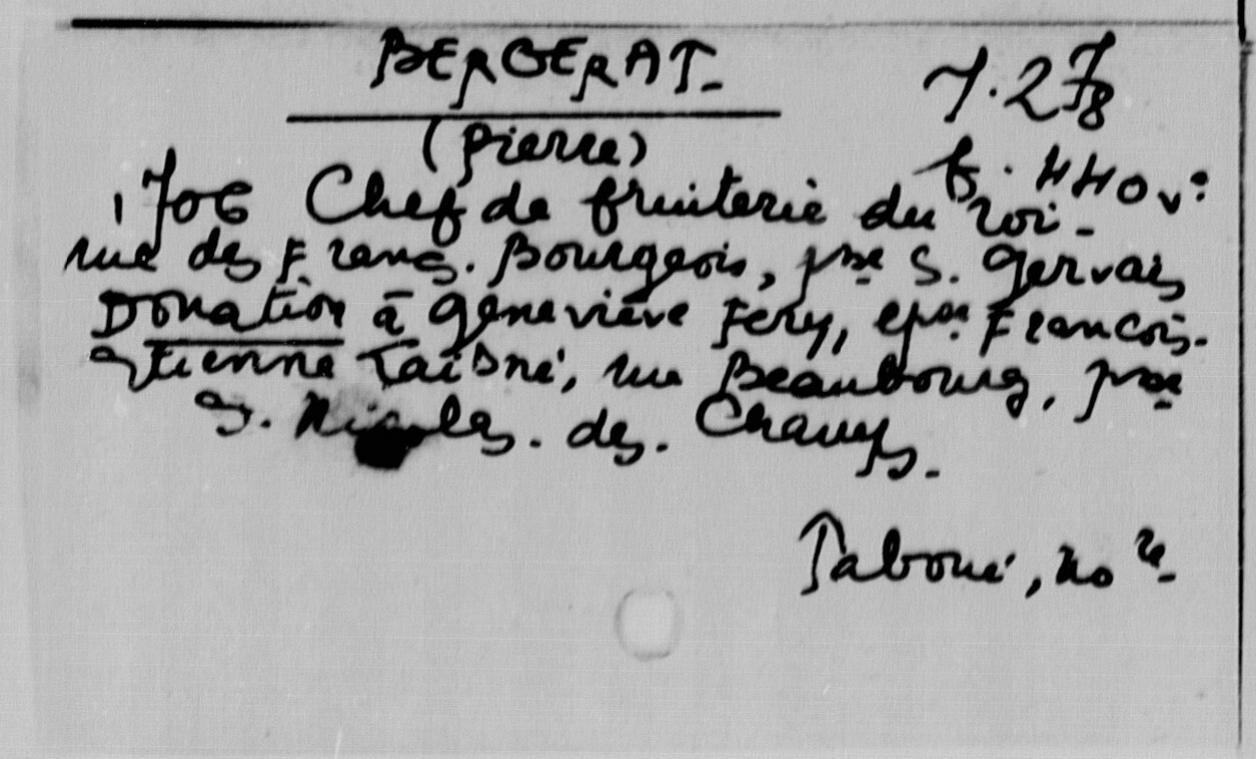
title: BERGERAT (Pierre)
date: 1706
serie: Y
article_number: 278
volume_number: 440v
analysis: Chef de fruiterie du roi, rue des Francs-Bourgeois, paroisse Saint-Gervais. Donation à Geneviève Fery, épouse François Étienne Laisné, rue Beaubourg, paroisse Saint-Nicolas-des-Champs. Taboué, notaire.
